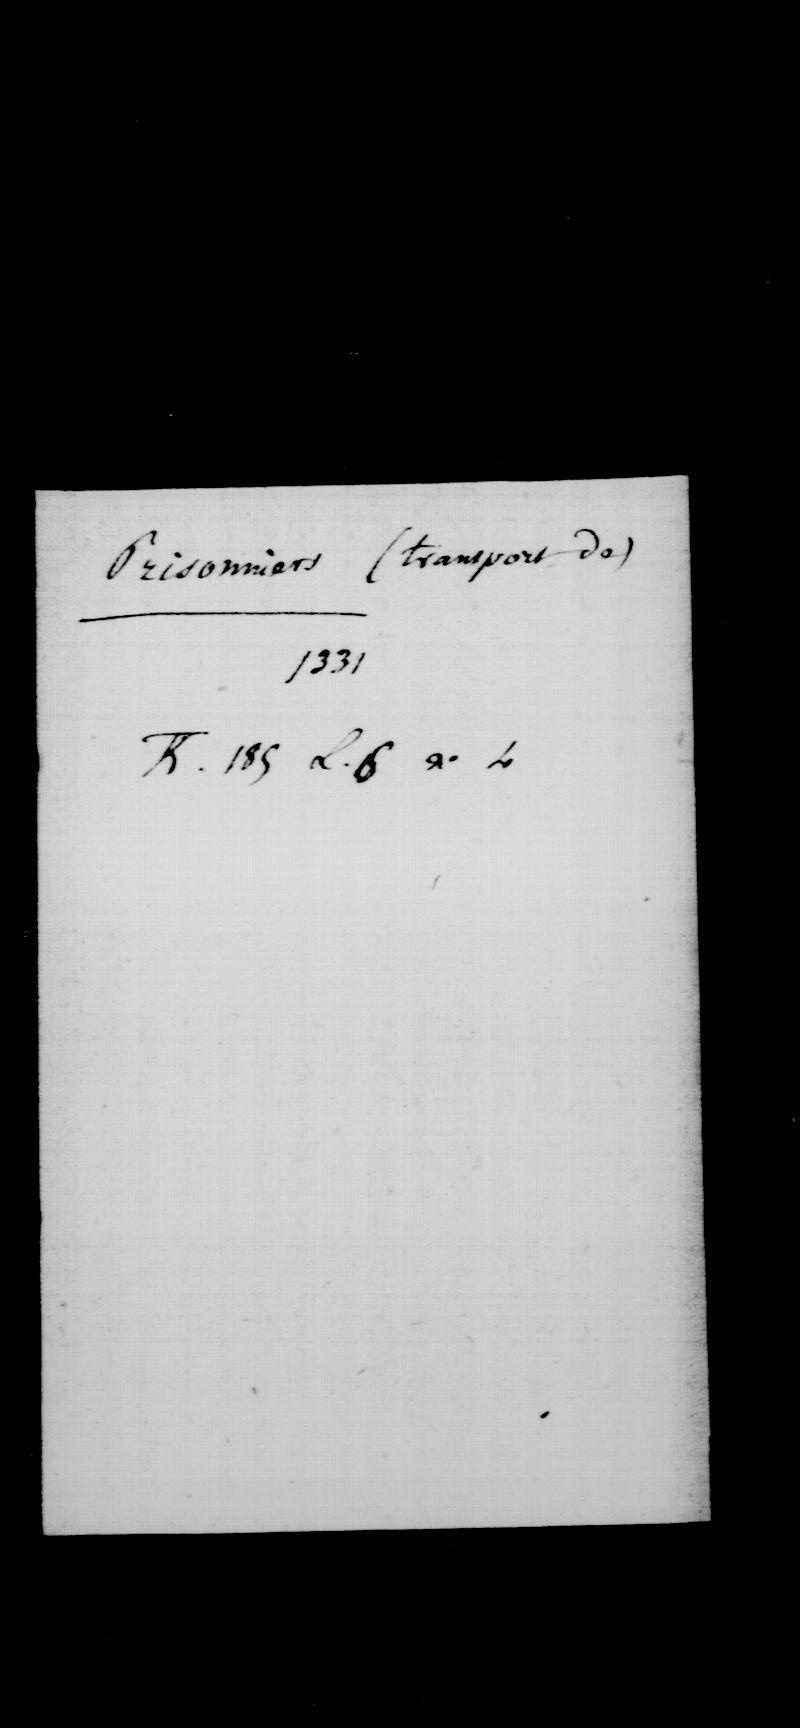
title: Prisonniers (transport de)
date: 1331
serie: K
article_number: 185
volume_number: liasse 6 n° 4
